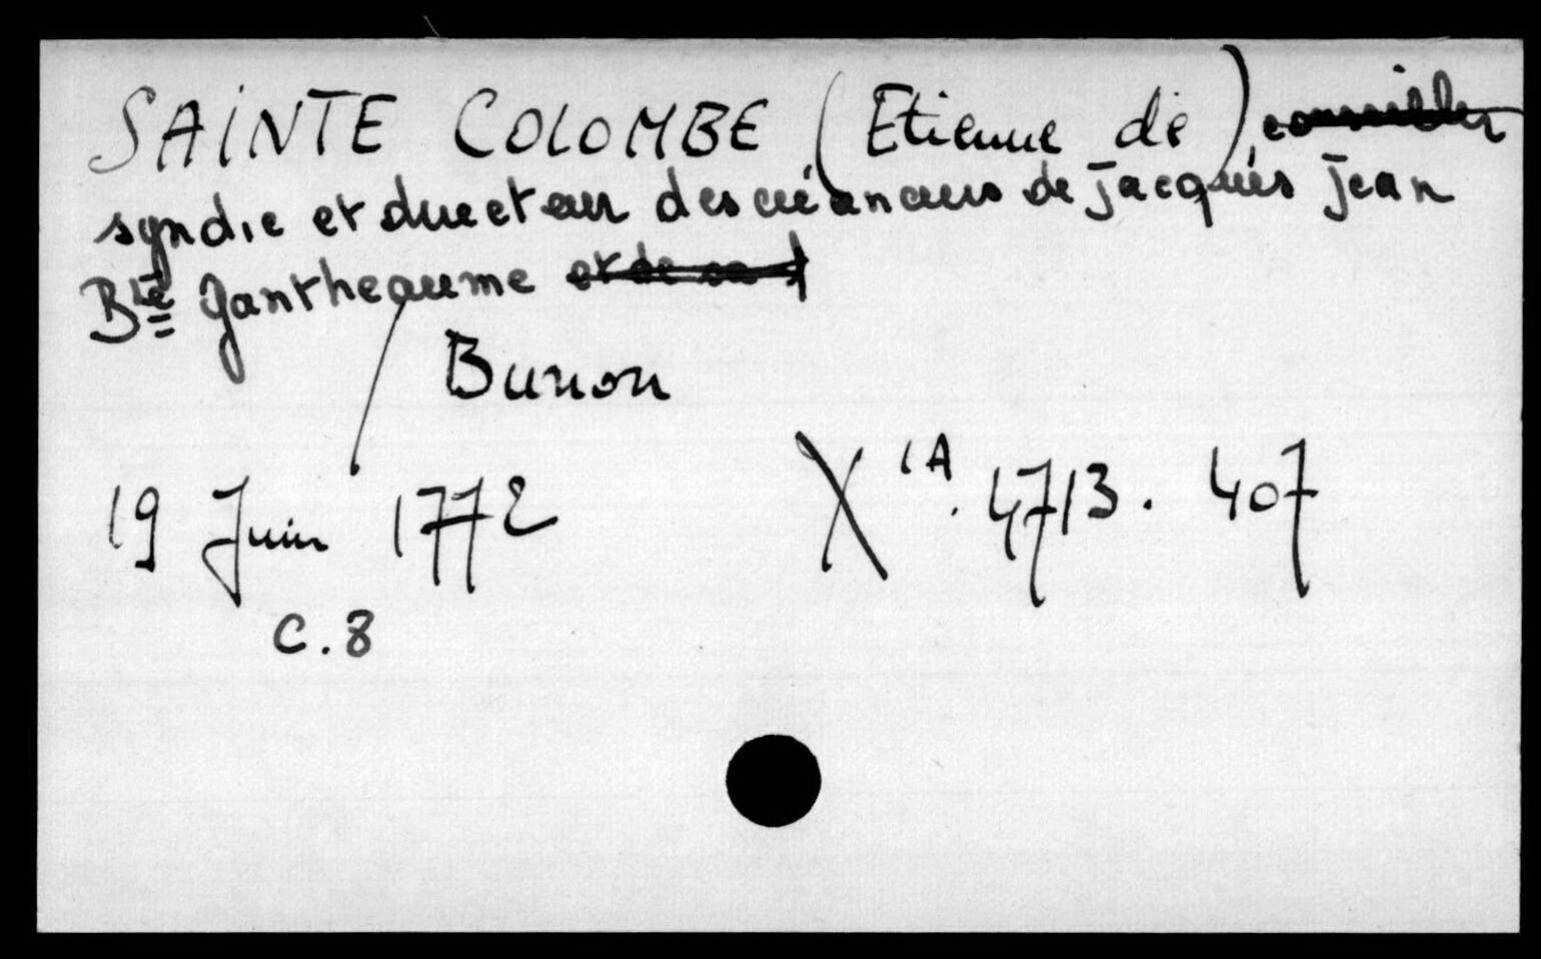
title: SAINTE COLOMBE (Étienne de), syndic et directeur des créanciers de jacques Jean Baptiste Gantheaume
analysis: Contre Bunon
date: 19 juin 1772
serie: X1A
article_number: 4713
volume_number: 407, Conseil 8
